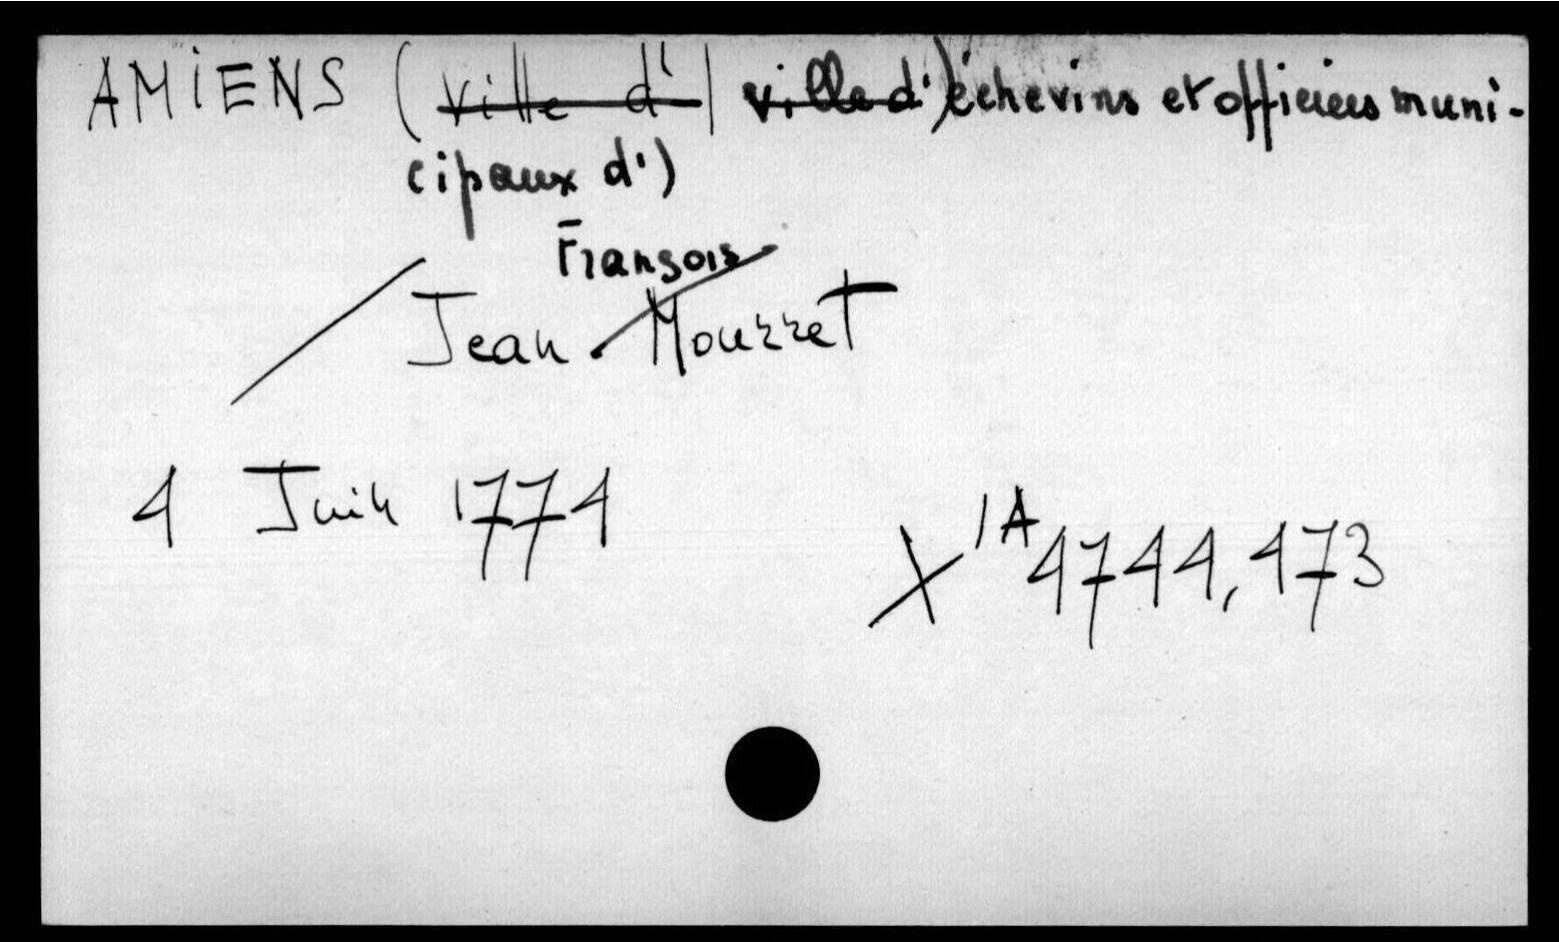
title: AMIENS (échevins et officiers municipaux d')
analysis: Contre Jean-François Mourret
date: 4 juin 1774
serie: X1A
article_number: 4744
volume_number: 473
